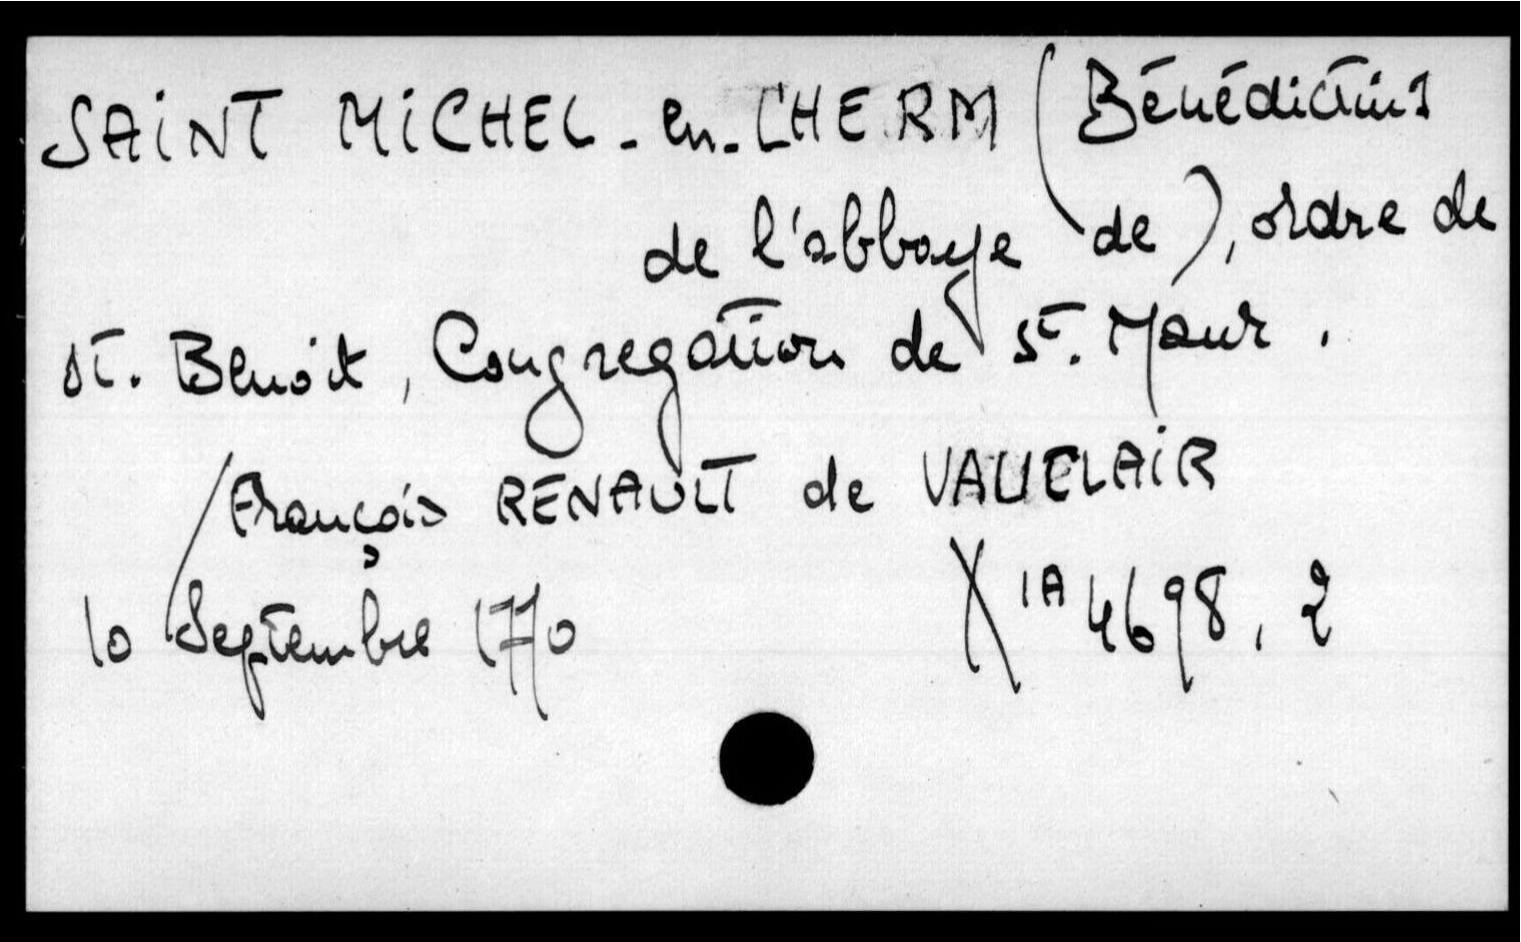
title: SAINT MICHEL en- L'HERM (Bénédictins de l'abbaye de), ordre de Saint-Benoît, congrégation de Saint-Maur
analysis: Contre François RENAULT de VAUCLAIR
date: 10 septembre 1770
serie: X1A
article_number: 4698
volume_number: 2
